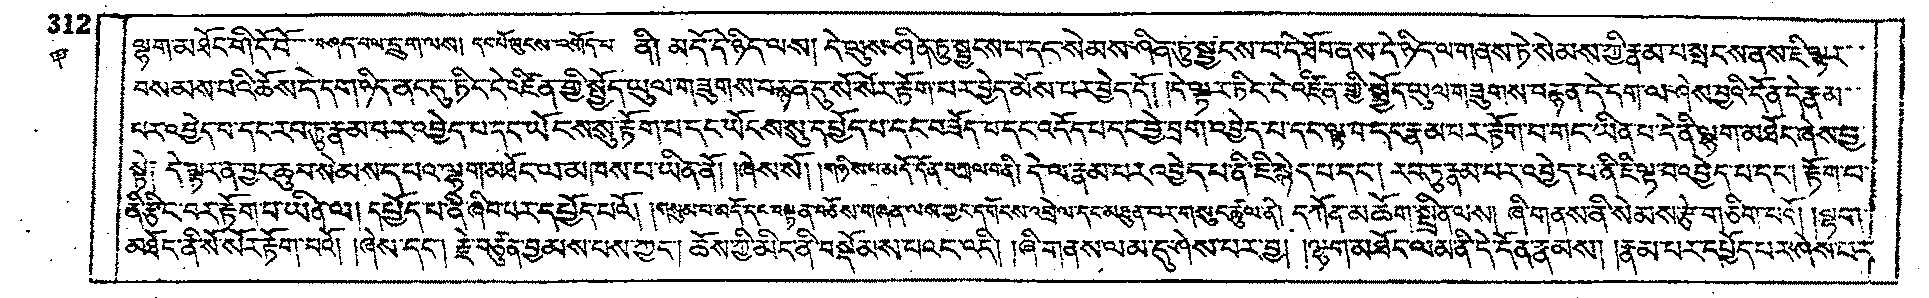ལྷག་མཐོང་གི་ངོ་བོབཤད་པ་ལ་དྲུག་ལས། དང་པོ་ཁུངས་འགོད་པནི། མདོ་དེ་ཉིད་ལས། དེ་ལུས་ཤིན་ཏུ་སྦྱངས་པ་དང་སེམས་ཤིན་ཏུ་སྦྱངས་པ་དེ་ཐོབ་ནས་དེ་ཉིད་ལ་གནས་ཏེ་སེམས་ཀྱི་རྣམ་པ་སྤངས་ནས་ཇི་ལྟར་
བསམས་པའི་ཆོས་དེ་དག་ཉིད་ནང་དུ་ཏིང་ངེ་འཛིན་གྱི་སྤྱོད་ཡུལ་གཟུགས་བརྙན་དུ་སོ་སོར་རྟོག་པར་བྱེད་མོས་པར་བྱེད་དོ། །དེ་ལྟར་ཏིང་ངེ་འཛིན་གྱི་སྤྱོད་ཡུལ་གཟུགས་བརྙན་དེ་དག་ལ་ཤེས་བྱའི་དོན་དེ་རྣམ་
པར་འབྱེད་པ་དང་རབ་ཏུ་རྣམ་པར་འབྱེད་པ་དང་ཡོངས་སུ་རྟོག་པ་དང་ཡོངས་སུ་དཔྱོད་པ་དང་བཟོད་པ་དང་འདོད་པ་དང་བྱེ་བྲག་འབྱེད་པ་དང་ལྟ་བ་དང་རྣམ་པར་རྟོག་པ་གང་ཡིན་པ་དེ་ནི་ལྷག་མཐོང་ཞེས་བྱ་
སྟེ༑ དེ་ལྟར་ན་བྱང་ཆུབ་སེམས་དཔའ་ལྷག་མཐོང་ལ་མཁས་པ་ཡིན་ནོ། །ཞེས་སོ། །གཉིས་པ་མདོ་དོན་བཀྲལ་བ་ནི།  དེ་ལ་རྣམ་པར་འབྱེད་པ་ནི་ཇི་སྙེད་པ་དང་། རབ་ཏུ་རྣམ་པར་འབྱེད་པ་ནི་ཇི་ལྟ་བ་འབྱེད་པ་དང་། རྟོག་པ་
ནི་རྩིང་བར་རྟོག་པ་ཡིན་ལ། དཔྱོད་པ་ནི་ཞིབ་པར་དཔྱོད་པའོ། །གསུམ་པ་མདོ་དང་བསྟན་བཅོས་གཞན་ལས་ཀྱང་དགོངས་འགྲེལ་དང་མཐུན་པར་གསུང་ཚུལ་ནི།  དཀོན་མཆོག་སྤྲིན་ལས། ཞི་གནས་ནི་སེམས་རྩེ་གཅིག་པའོ། །ལྷག་
མཐོང་ནི་སོ་སོར་རྟོག་པའོ། །ཞེས་དང་། རྗེ་བཙུན་བྱམས་པས་ཀྱང་། ཆོས་ཀྱི་མིང་ནི་བསྡོམས་པའང་འདི། །ཞི་གནས་ལམ་དུ་ཤེས་པར་བྱ། །ལྷག་མཐོང་ལམ་ནི་དེ་དོན་རྣམས། །རྣམ་པར་དཔྱོད་པར་ཤེས་པར་